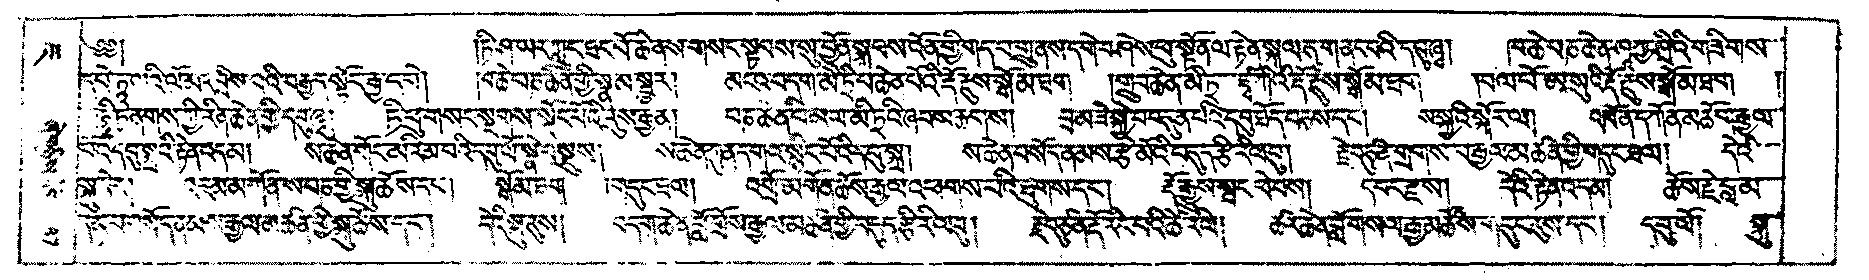༄༅། །ཏི་ཤ་ཡར་ཀླུང་ཐང་པོ་ཆེ་ནས་གསང་སྟབས་སུ་བྱོན་སྐབས་འོན་གྱི་གད་པ་གྲུ་ནས་དགེ་བཤེས་ཕུ་སྟོན་ལ་རྟེན་སྐལ་དུ་གནང་བའི་དབུ་ཞྭ། ཁ་ཆེ་པཎ་ཆེན་ཤཱཀྱ་ཤྲིའི་གཟིགས་
དཔེ་ཏཱ་ལའི་ལོ་མར་བྲིས་པའི་བརྒྱད་སྟོང་རྒྱ་དཔེ། ཁ་ཆེ་པཎ་ཆེན་གྱི་སྣམ་སྦྱར། མངའ་བདག་མེ་ཏྲི་པ་ཆེན་པོའི་རྡོ་རྡུས་སྒོམ་ཐག །གྲུབ་ཆེན་མི་ཏྲ་ཛཱ་ཀིའི་རྡོ་རྡུས་སྒོམ་ཐག །བལ་པོ་ཨ་སུའི་རྡོ་རྡུས་སྒོམ་ཐག །
པཎྚི་ཏ་ནགས་ཀྱི་རིན་ཆེན་གྱི་དབུ་ཞྭ། ཏི་ཕུ་གསང་སྔགས་སྡོང་པོའི་རུས་རྒྱན། པཎ་ཆེན་བི་མ་ལ་མི་ཏྲའི་ཞབས་ཆགས། བྲམ་ཟེ་སྐྱེ་བ་བདུན་པའི་དབུ་ཐོད་བཅས་དང་། ས་སྐྱའི་སྐོར་ལ། འཁོན་དཀོན་མཆོག་རྒྱལ་
པོའི་དབུ་སྐྲའི་རྟེན་འདམ། ས་ཆེན་གོང་མ་རིམ་པའི་དབུ་ལོ་སྣེ་བསྡུས། ས་ཆེན་ཀུན་དགའ་སྙིང་པོའི་དབུ་སྐྲ། ས་ཆེན་བསོད་ནམས་རྩེ་མོའི་བདུད་རྩི་རིལ་བུ། རྗེ་བཙུན་གྲགས་པ་རྒྱལ་མཚན་གྱི་གདུང་ཐལ། དེའི་
སྐུ་བེར། འཇམ་མགོན་ས་པཎ་གྱི་སྐུ་ཆོས་དང་། སྒོམ་ཐག །གདུང་ཐལ། འགྲོ་མགོན་ཆོས་རྒྱལ་འཕགས་པའི་ཐུགས་དང་། རྡོ་རྒྱུས་སྤང་ཕེབས། དབང་རྫས། དེའི་རྟེན་འདམ། ཆོས་རྗེ་བླ་མ་
དམ་པ་བསོད་ནམས་རྒྱལ་མཚན་གྱི་སྐུ་ཆོས་དང་། དེའི་སྐུ་རུས། བདག་ཆེན་བློ་གྲོས་རྒྱལ་མཚན་གྱི་བདུད་རྩི་རིལ་བུ། རྗེ་བཙུན་རྡོ་རིང་པའི་ཚེ་རིལ། ཚར་ཆེན་བློ་གསལ་རྒྱ་མཚོས་གདུང་རུས་དང་། དབུ་ལོ། སྐུ་